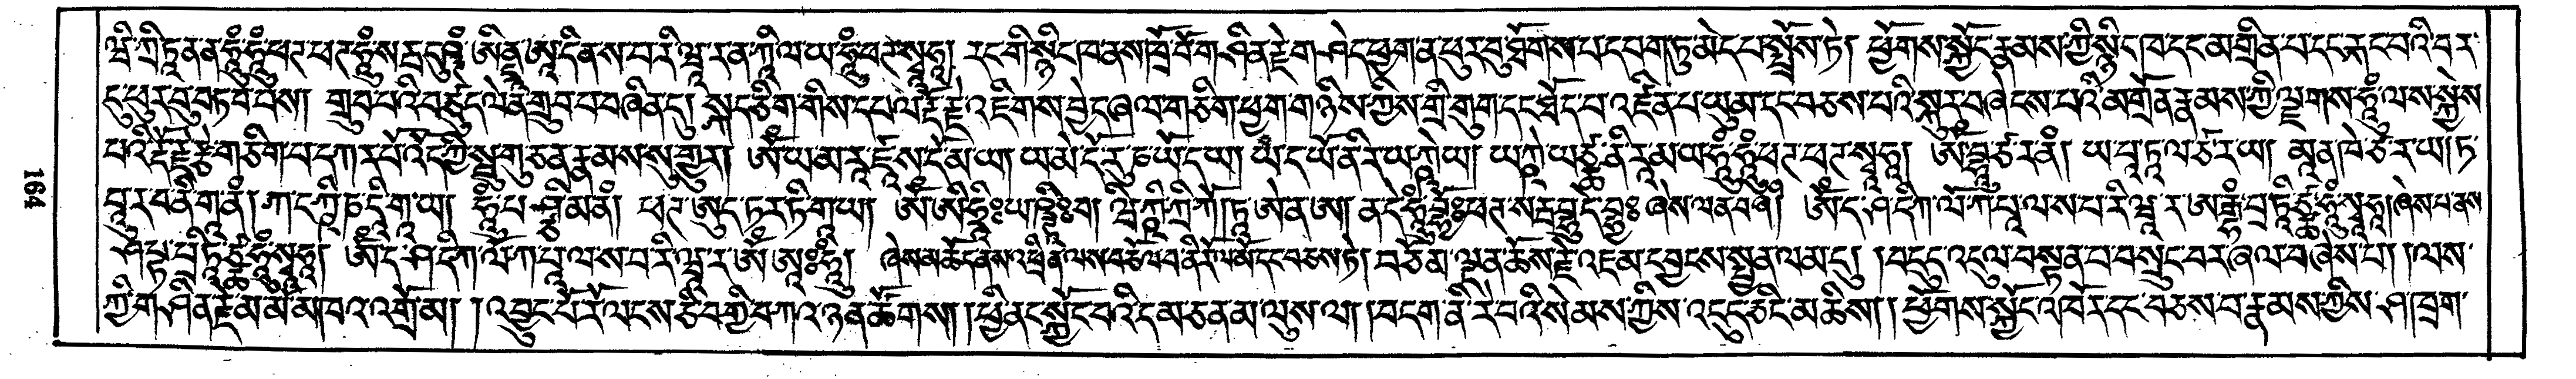ཝི་ཀྲི་ཏཱ་ན་ན་ཧཱུཾ་ཧཱུཾ་ཕཊ་ཕཊ་ཧཱུཾ་སརྦ་དུཥྚཱཾ་ཨིནྡྲཱ་ཨཱ་དི་ནས་པ་རི་ཝཱ་ར་ན་ཀཱི་ལ་ཡ་ཧཱུཾ་ཕཊ་སྭཱཧཱ། རང་གི་སྙིང་ཁ་ནས་ཁྲོ་བོ་གཤིན་རྗེ་གཤེད་ཕྱག་ན་ཕུར་བུ་ཐོགས་པ་དཔག་ཏུ་མེད་པ་སྤྲོས་ཏེ། ཕྱོགས་སྐྱོང་རྣམས་ཀྱིས་སྙིང་ཁ་དང་མགྲིན་པ་དང་རྐང་པའི་བར་
དུ་ཕུར་བུ་བཏབ་པས། གྲུབ་པའི་བཅུད་ལེན་གྲུབ་པ་བཞིན་དུ། སྐད་ཅིག་གིས་དཔལ་རྡོ་རྗེ་འཇིགས་བྱེད་ཞལ་གཅིག་ཕྱག་གཉིས་ཀྱིས་གྲི་གུག་དང་ཐོད་པ་འཛིན་པ་ཡུམ་དང་བཅས་པའི་སྐུར་བཞེངས་པའི་མགྲོན་རྣམས་ཀྱི་ལྗགས་ཧཱུཾ་ལས་སྐྱེས་
པའི་རྡོ་རྗེ་རྩེ་གཅིག་པ་དཀར་པོ་འོད་ཀྱི་སྦུ་གུ་ཅན་རྣམས་སུ་གྱུར་ཨོཾ་ཡ་མ་རཱ་ཛཱ་ས་དོ་མེ་ཡ། ཡ་མེ་དོ་རུ་ཎ་ཡོ་ད་ཡ། ཡ་ད་ཡོ་ནི་ར་ཡ་ཀྵེ་ཡ། ཡཀྵེ་ཡཙྪ་ནི་རཱ་མ་ཡ་ཧཱུཾ་ཧཱུཾ་ཕཊ་ཕཊ་སྭཱཧཱ། ཨོཾ་བྷཱུ་ཙ་ར་ནཾ། ཡ་པཱ་ཏཱ་ལ་ཙ་ར་ཡ། མཱན་ཁེ་ཅ་ར་ཡ་ཏ་
པཱུར་བ་ནི་གཱ་ནཾ། ཀ་དཀྵིཎ་དཱི་གཱ་ཡ། ཧཱུཾ་པཤྩིམ་ནཾ། ཕཊ་ཨུད་ཏ་ར་ཏིག་ཡ། ཨོཾ་ཨཾ་ཧྲཱིཿ ཡ་ཥྚྲཱིཿ བ། ཝི་ཀྵི་ཀྲི་ཀོ། ཏཱ་ཨེ་ན་ཨ་ན་དེ་ཧཱུཾ་བྷྱོཿ ཕཊ་སརྦ་བྷུདེ་བྷྱཿ ཞེས་ལན་བཞི། ཨོཾ་ད་ཤ་དཀི་ལོ་ཀ་པཱ་ལས་པ་རི་ཝཱ་ར་ཨརྒྷཾ་པྲ་ཏཱིཙྪ་ཧཱུཾ་སྭཧཱ། ཞེས་པ་ནས།
ཤཔྟ་པྲ་ཏཱི་ཙྪ་ཧཱུཾ་སྭཱཧཱ། ཨོཾ་ད་ཤ་དཀི་ལོ་ཀ་པཱ་ལ་ས་པ་རི་ཝཱ་ར་ཨོཾ་ཨཱཿཧཱུཾ། ཞེས་མཆོད་ནས་འཕྲིན་ལས་བཅོལ་བ་ནི་རོལ་མདོ་དང་བཅས་ཏེ། བཅོམ་ལྡན་ཆོས་རྗེ་འཇམ་དབྱངས་སྤྱན་ལམ་དུ། །བདུད་འདུལ་བསྟན་པ་བསྲུང་བར་ཞལ་བཞེས་པ། །ལས་
ཀྱི་གཤིན་རྗེ་མ་མོ་མཁའ་འགྲོ་མ། །འབྱུང་པོ་རོ་ལངས་ཅི་བགྱི་བཀའ་ཉན་ཚོགས། །ཕྱི་ནང་སྐྱོང་བའི་དམ་ཅན་མ་ལུས་ལ། །བདག་ནི་རེ་བའི་སེམས་ཀྱིས་འདུད་ཅིང་མཆིས། །ཕྱོགས་སྐྱོང་འཁོར་དང་བཅས་པ་རྣམས་ཀྱིས་ཤ་ཁྲག་